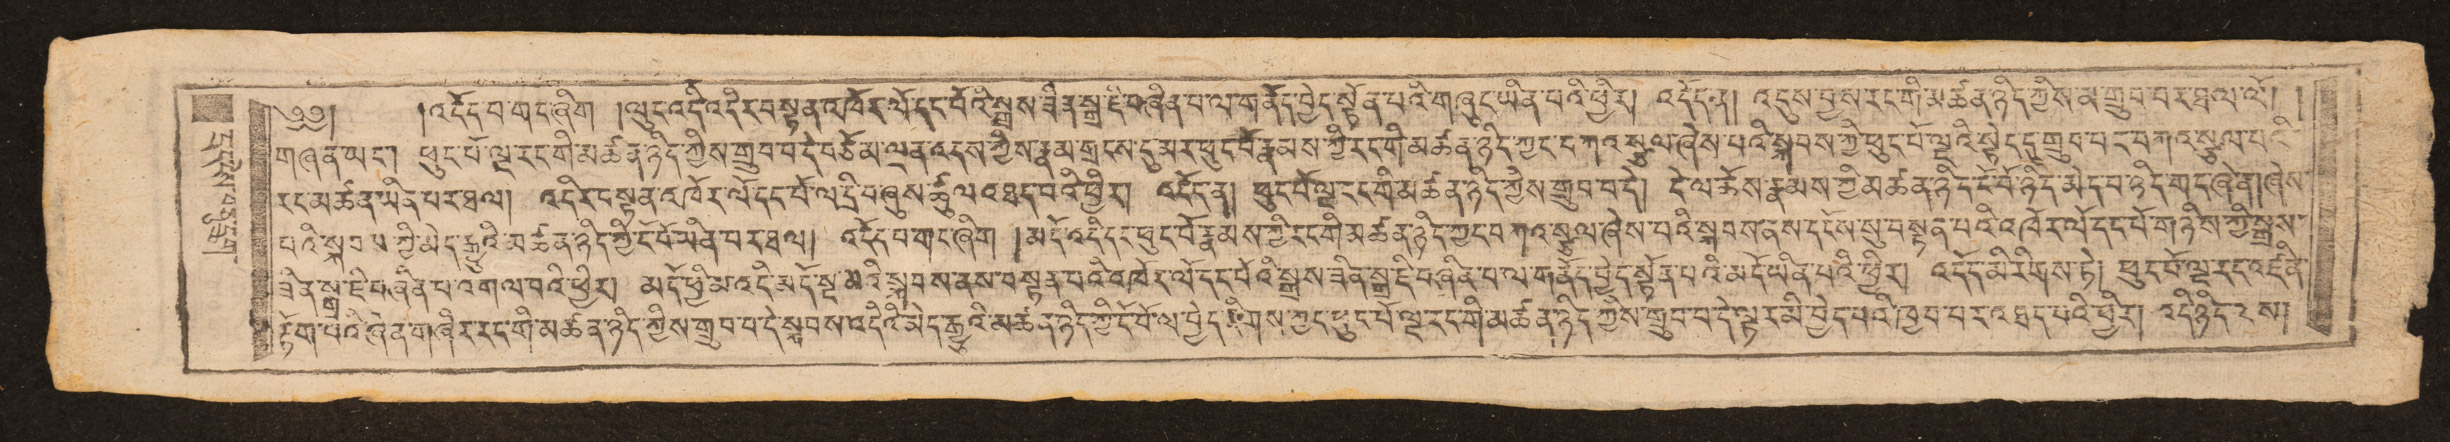༄༅། །འདོད་པ་གང་ཞིག །ལུང་འདི་འདིར་བསྟན་འཁོར་ལོ་དང་པོའི་སྒྲས་ཟིན་སྒྲ་ཇི་བཞིན་པ་ལ་གནོད་བྱེད་སྟོན་པའི་གཞུང་ཡིན་པའི་ཕྱིར། འདོད་ན། འདུས་བྱས་རང་གི་མཚན་ཉིད་ཀྱིས་མ་གྲུབ་པར་ཐལ་ལོ། །
གཞན་ཡང་། ཕུང་པོ་ལྔ་རང་གི་མཚན་ཉིད་ཀྱིས་གྲུབ་པ་དེ་བཅོམ་ལྡན་འདས་ཀྱིས་རྣམ་གྲངས་དུ་མར་ཕུང་པོ་རྣམས་ཀྱི་རང་གི་མཚན་ཉིད་ཀྱང་བཀའ་སྩལ་ཞེས་པའི་སྐབས་ཀྱི་ཕུང་པོ་ལྔའི་སྟེང་དུ་གྲུབ་པར་བཀའ་སྩལ་པའི་
རང་མཚན་ཡིན་པར་ཐལ། འདིར་བསྟན་འཁོར་ལོ་དང་པོ་ལ་དྲི་བ་ཞུས་ཚུལ་འཐད་པའི་ཕྱིར། འདོད་ན། ཕུང་པོ་ལྔ་རང་གི་མཚན་ཉིད་ཀྱིས་གྲུབ་པ་དེ། དེ་ལ་ཆོས་རྣམས་ཀྱི་མཚན་ཉིད་ངོ་བོ་ཉིད་མེད་པ་ཉིད་གང་ཞེ་ན། ཞེས་
པའི་སྐབས་ཀྱི་མེད་རྒྱུའི་མཚན་ཉིད་ཀྱི་ངོ་བོ་ཡིན་པར་ཐལ། འདོད་པ་གང་ཞིག །མདོ་འདི་དང་ཕུང་པོ་རྣམས་ཀྱི་རང་གི་མཚན་ཉིད་ཀྱང་བཀའ་སྩལ་ཞེས་པའི་སྐབས་ནས་དངོས་སུ་བསྟན་པའི་འཁོར་ལོ་དང་པོ་གཉིས་ཀྱི་སྒྲས་
ཟིན་སྒྲ་ཇི་བཞིན་པ་འགལ་བའི་ཕྱིར། མདོ་ཕྱི་མ་འདི་མདོ་སྔ་མའི་སྐབས་ནས་བསྟན་པའི་འཁོར་ལོ་དང་པོའི་སྒྲས་ཟིན་སྒྲ་ཇི་བཞིན་པ་ལ་གནོད་བྱེད་སྟོན་པའི་མདོ་ཡིན་པའི་ཕྱིར། འདོད་མི་རིགས་ཏེ། ཕུང་པོ་ལྔ་རང་འཛིན་
རྟོག་པའི་ཞེན་གཞིར་རང་གི་མཚན་ཉིད་ཀྱིས་གྲུབ་པ་དེ་སྐབས་འདིའི་མེད་རྒྱུའི་མཚན་ཉིད་ཀྱི་ངོ་བོ་ལ་བྱེད་རིགས་ཀྱང་ཕུང་པོ་ལྔ་རང་གི་མཚན་ཉིད་ཀྱིས་གྲུབ་པ་དེ་ལྟར་མི་བྱེད་པའི་ཁྱབ་པར་འཐད་པའི་ཕྱིར། འདི་ཉིད་ལས།